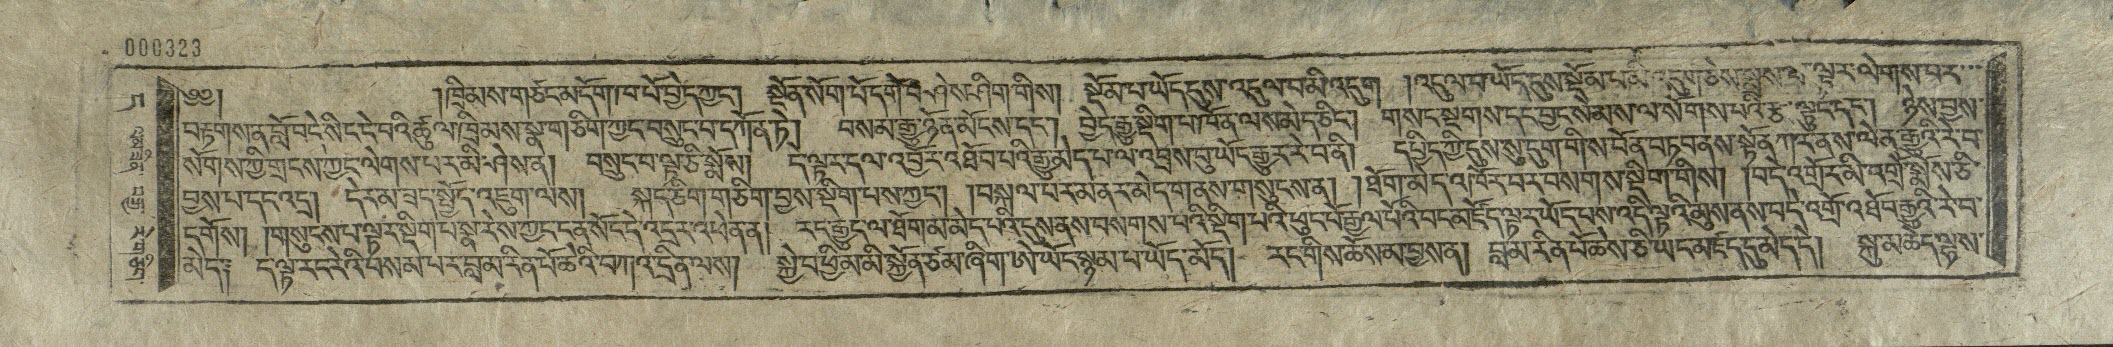༄༅། །ཁྲིམས་གཙང་མདོག་ཁ་པོ་བྱེད་ཀྱང་། སྔོན་སོག་པོ་དགེ་བཤེས་ཤིག་གིས། སྡོམ་པ་ཡོད་དུས་འདུལ་བ་མི་འདུག །འདུལ་བ་ཡོད་དུས་སྡོམ་པ་མི་འདུག་ཅེས་སྨྲས་པ་ལྟར་ལེགས་པར་
བརྟགས་ན་བློ་བདེ་སིང་ངེ་བའི་ཚུལ་ཁྲིམས་སྣ་གཅིག་ཀྱང་བསྲུང་བ་དཀོན་ཏེ། བསམ་རྒྱུ་ཉོན་མོངས་དང་། བྱེད་རྒྱུ་སྡིག་པ་ཁོ་ན་ལས་མེད་ཅིང་། གསང་སྔགས་དང་བྱང་སེམས་ལ་སོགས་པའི་རྩ་ལྟུང་དང་། ཉེས་བྱས་
སོགས་ཀྱི་གྲངས་ཀྱང་ལེགས་པར་མི་ཤེས་ན། བསྲུང་བ་ལྟ་ཅི་སྨོས། དེ་ལྟར་དལ་འབྱོར་འཐོབ་པའི་རྒྱུ་མེད་པ་ལ་འབྲས་བུ་ཡོང་རྒྱུར་རེ་བ་ནི། དཔྱིད་ཀྱི་དུས་སུ་དུག་གི་ས་བོན་བཏབ་ནས་སྟོན་ཀར་ནས་ལེན་རྒྱུའི་རེ་བ་
བྱས་པ་དང་འདྲ། དེར་མ་ཟད་སྤྱོད་འཇུག་ལས། སྐད་ཅིག་གཅིག་བྱས་སྡིག་པས་ཀྱང་། །བསྐལ་པར་མནར་མེད་གནས་གསུངས་ན། །ཐོག་མེད་འཁོར་བར་བསགས་སྡིག་གིས། །བདེ་འགྲོར་མི་འགྲོ་སྨོས་ཅི་
དགོས། །གསུངས་པ་ལྟར་སྡིག་པ་སྣ་རེས་ཀྱང་ངན་སོང་དེ་འདྲར་འཕེན་ན། རང་རྒྱུད་ལ་ཐོག་མ་མེད་པའི་དུས་ནས་བསགས་པའི་སྡིག་པའི་ཕུང་པོ་རྒྱལ་པོའི་བང་མཛོད་ལྟར་ཡོད་པས་འདི་ལྟའི་མུས་ནས་བདེ་འགྲོ་འཐོབ་རྒྱུའི་རེ་བ་
མེད༑ ད་ལྟ་རང་རེའི་བསམ་པར་བླ་མ་རིན་པོ་ཆེའི་བཀའ་དྲིན་ལས། སྐྱེ་བ་ཕྱི་མ་མི་སྐྱོན་ཙམ་ཞིག་ཨེ་ཡོང་སྙམ་པ་ཡོད་མོད། རང་གིས་ཆོས་མ་བྱས་ན། བླ་མ་རིན་པོ་ཆེས་ཅི་ཡང་མཛད་དུ་མེད་དེ། སྐུ་མཆེད་ལྷས་